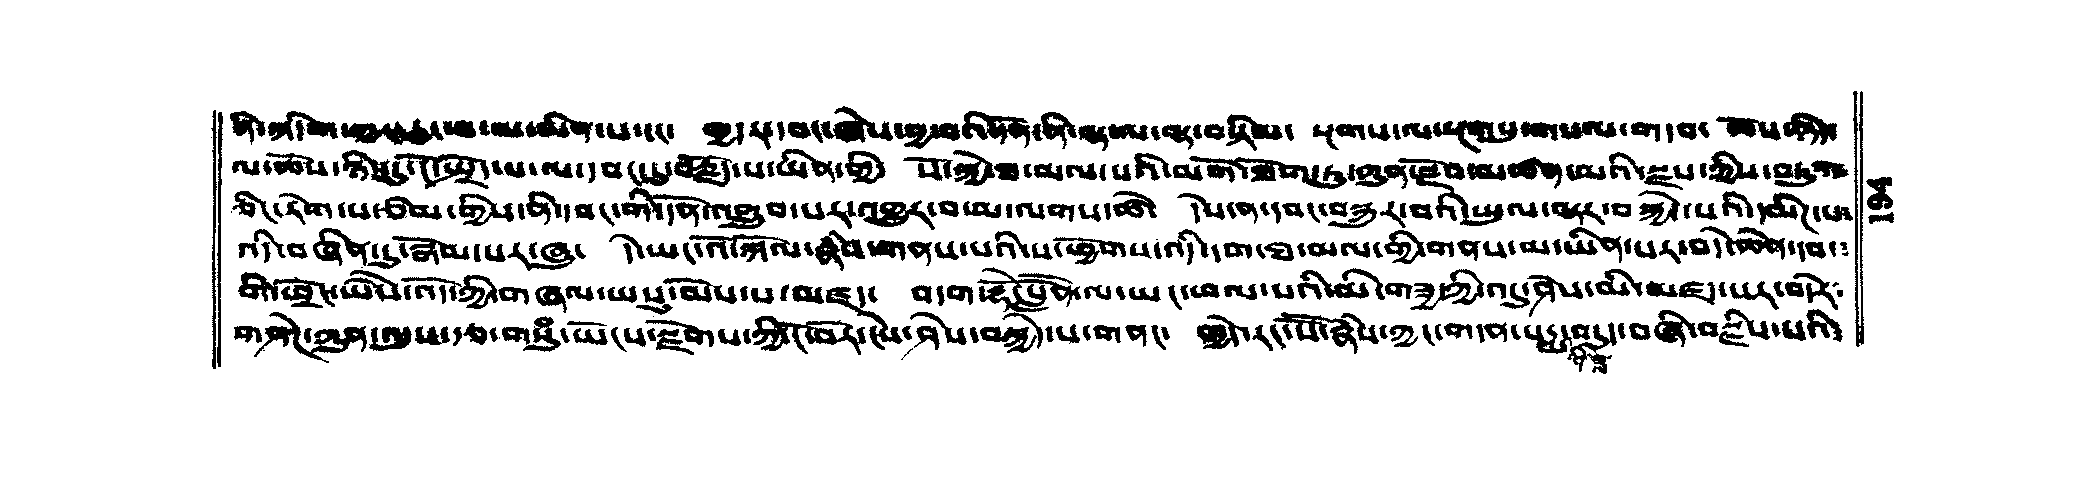ནི་སྐད་ཅིག་ཀྱང་རུ་ཕ་མ་མིན་པ་དང་། ཁྱད་པར་དབང་ཞེས་བྱ་བའི་དོན་ནི་ལྷ་ལ་ལྷ་བསྟིམ། སྔགས་ལ་སྔགས་སུ་གསལ་གདབ། ཆོས་ཉིད་
ལ་ཆོས་ཉིད་དུ་ངོ་སྤྲོད་པ་ལ་དབང་དུ་བརྗོད་པ་ཡིན་གྱི། སོ་སྐྱེ་ཐ་མལ་པའི་མགོ་ཐོག་ཏུ་ཀུན་རྫོབ་མཚན་མའི་རྫས་ཀྱི་བཏུག་
ཅིང་རེག་པ་ཙམ་གྱིས་ནི་དབང་གི་དོན་འགྲུབ་པར་འགྱུར་བ་མ་ལགས་ཚེ། དེས་ན་དབང་བསྐུར་བའི་ཡུལ་ལྷར་བསྐྱེད་པའི་དམིགས་པ་
འདི་བཞིན་དུ་སྒོམ་པར་ཞུ། དེ་ཡང་འོ་སྐོལ་རྣམས་གནས་པའི་ས་ཕྱོགས་འདི་དག་ཐ་མལ་གྱི་གནས་མ་ཡིན་པར་བདེ་ཆེན་དབང་
གི་ཕོ་བྲང་ཡེ་ཤེས་འོད་ཀྱི་གཞལ་ཡས་སུ་མོས་པ་མཛད། བདག་རྡོ་རྗེ་སློབ་དཔོན་ལ་ཡང་ཕལ་པའི་མི་གཟུགས་ཀྱི་འདུ་ཤེས་མི་མཛད་པར་བདེ་
གཤེགས་ཀུན་འདུས་རྩ་གསུམ་ཡོངས་རྫོགས་ཀྱི་ངོ་བོར་ངེས་ཤེས་བསྐྱེད་པ་གནང་། ཁྱེད་རང་སོ་སོ་རྣམས་ཀྱང་གདན་པདྨ་ཉི་ཟླ་བདུད་བཞི་བརྗིས་པའི་